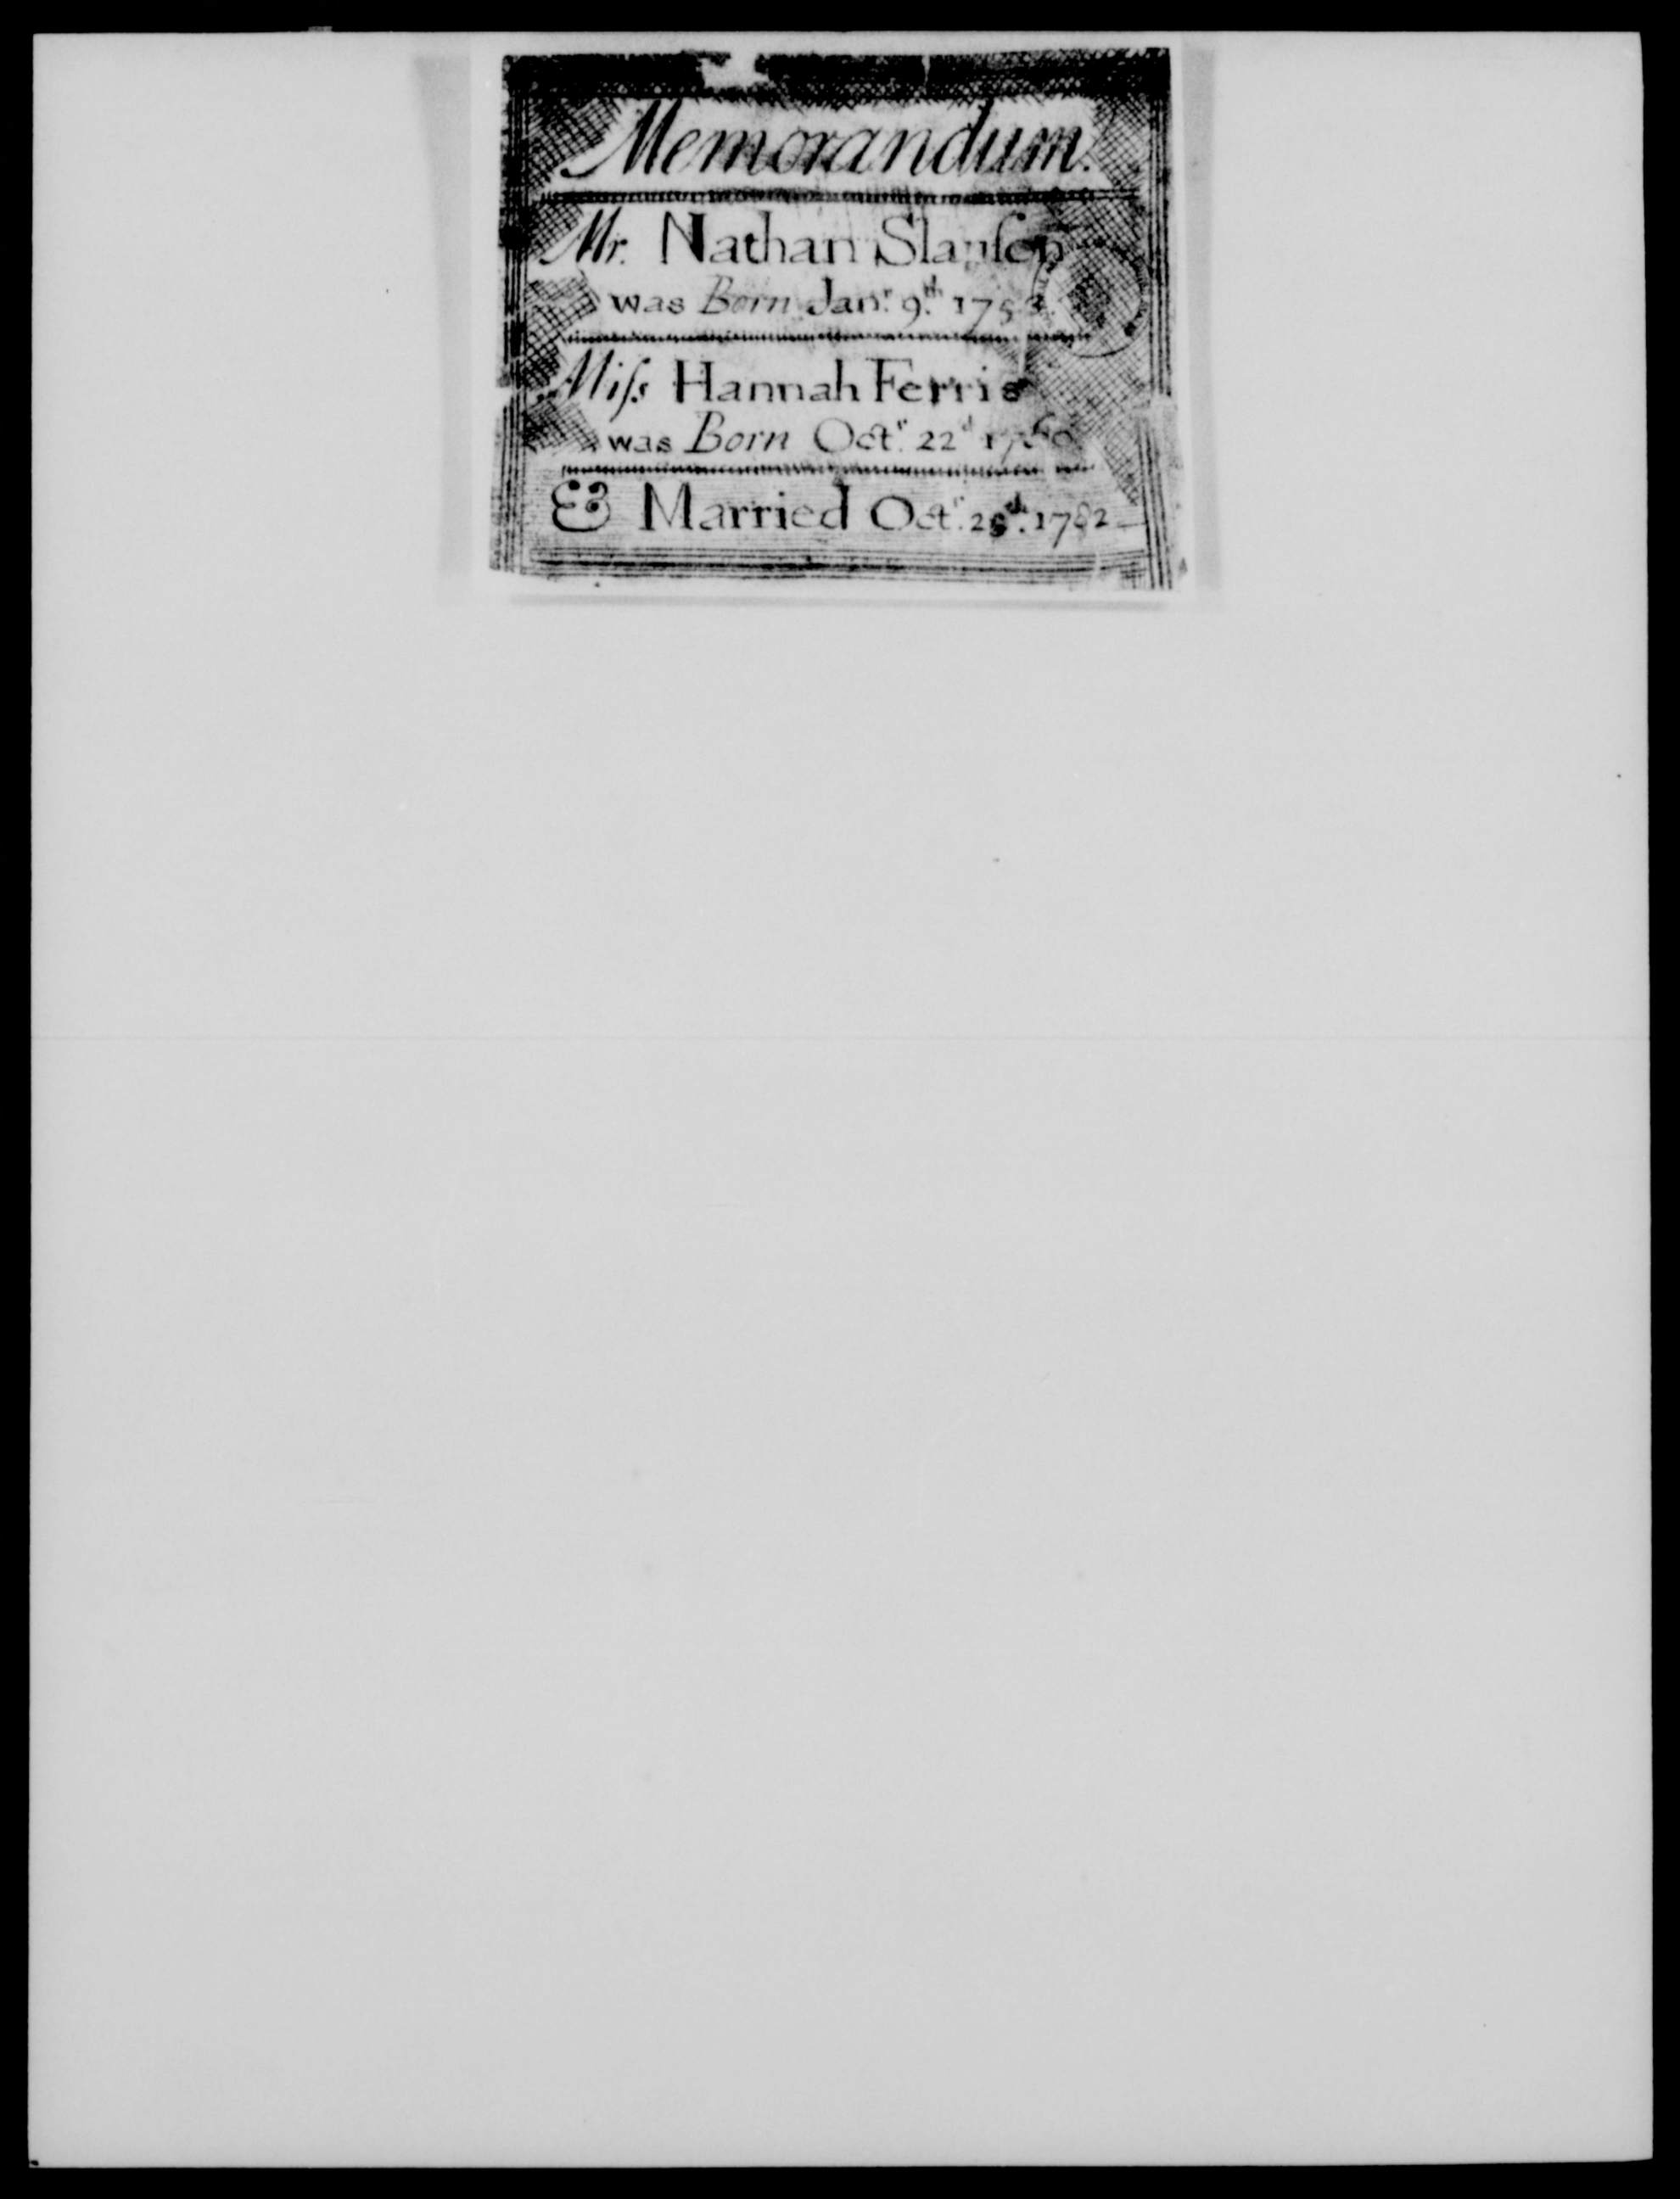Memorandum
Mr. Nathan Slawson was born Jan. 9th 1753
Miss Hannah Ferris was Born Oct. 22 1760
Married Oct 29th 1782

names: Hannah Ferris; Nathan Slauson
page: 10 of 87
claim: widow's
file: W. 22,226, for Nathan Slawson, Connecticut